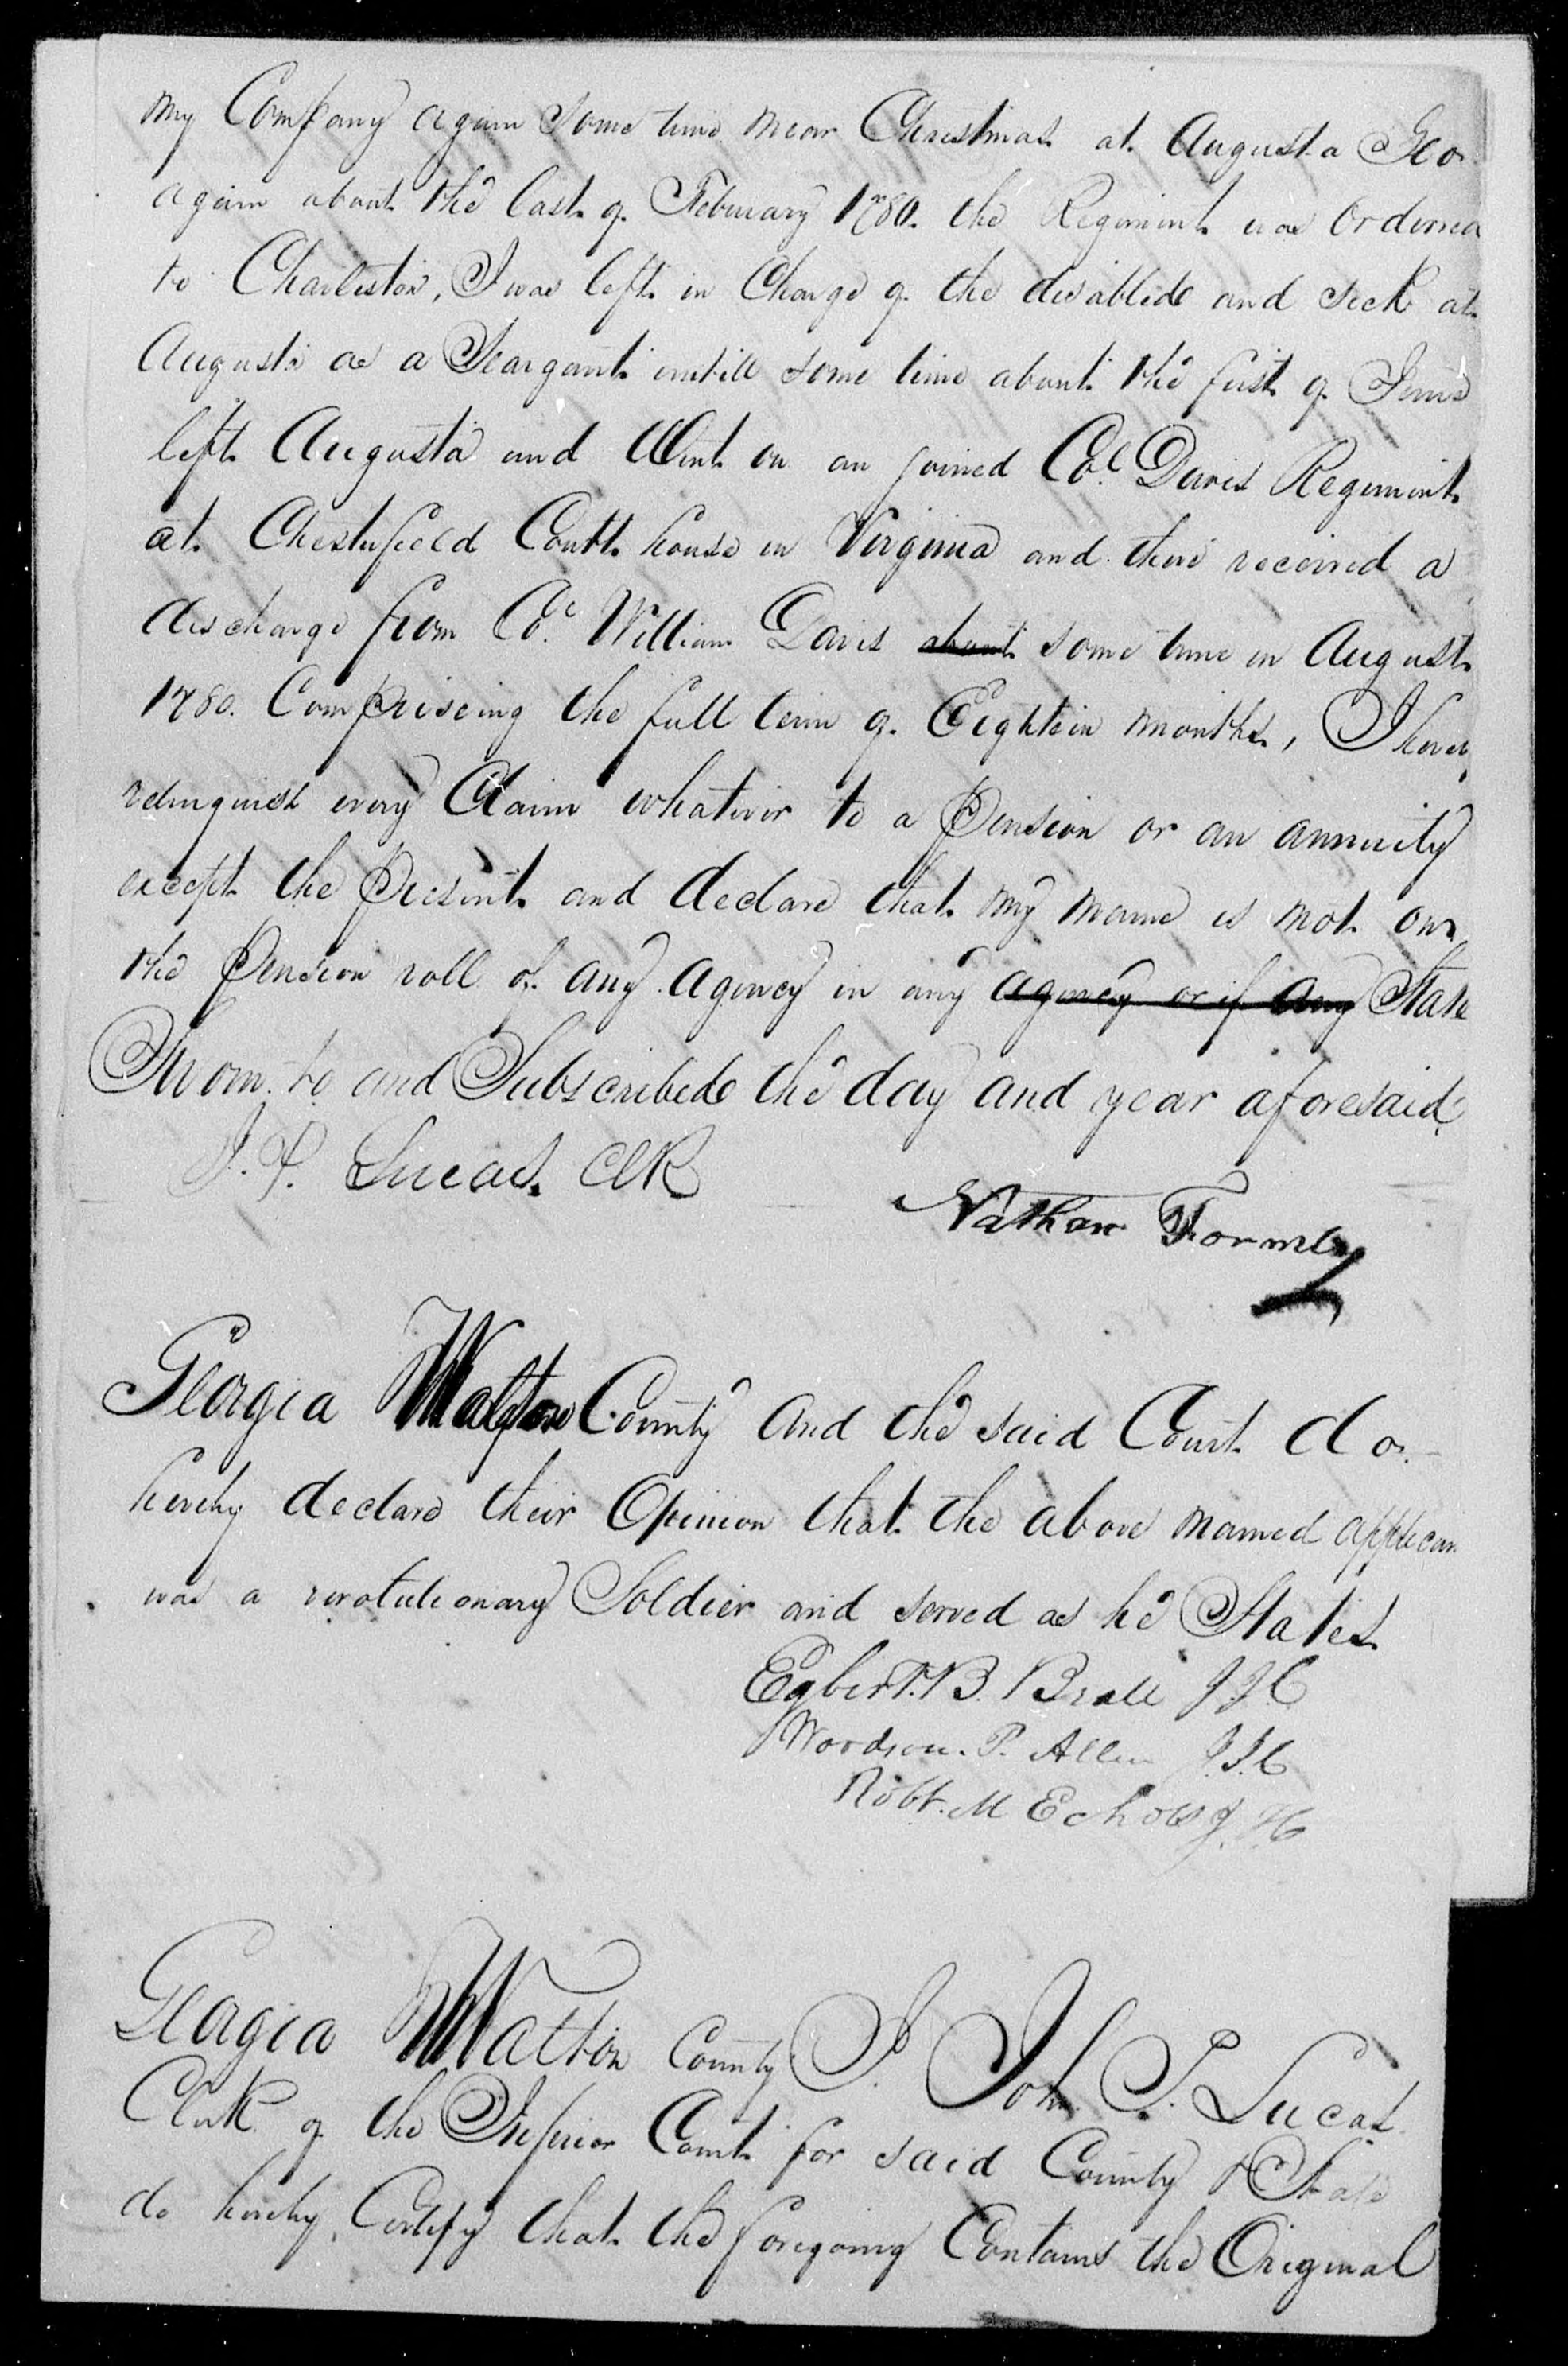Page 2

my Company again some time mean Christmas at Augusta Georgia again about the last of February 1880.  The Regiment was Ordered to Charleston, I was left in charge of the disabled and sick at Augusta as a Sargent until some time about the first of June left Augusta and went on and joined Col Davis's Regiment at Chesterfield Court house in Virginia and there received a discharge from Col William Davis some time in August 1780. Comprising the full term of Eighteen months, I relinquish every claim whatever to a pension or an annuity except the present and declare that my name is not on the Pension roll of any State.
Nathan Formby
    Sworn to and subscribed the day and year aforesaid
   J.P. Lucas, Clk

Georgia Walton County and the said Court do hereby declare their opinion that the above named applicant was a revolutionary Soldier and served as he States.

Egbert. B. Beall J.J.C.
Woodson. P. Allen J.J.C.
Robt M Echols J.J.C.

Georgia Walton County I John P. Lucas Clerk of the Superior Court for said County and State 
do hereby Certify that the foregoing contains the Original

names: William Davis, Egbert B Beall, Nathan Formby, Woodson P Allen, Robt M Echols, John P Lucas, J P Lucas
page: 47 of 54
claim: widow's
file: W. 3794, Nathan Formby, Va.